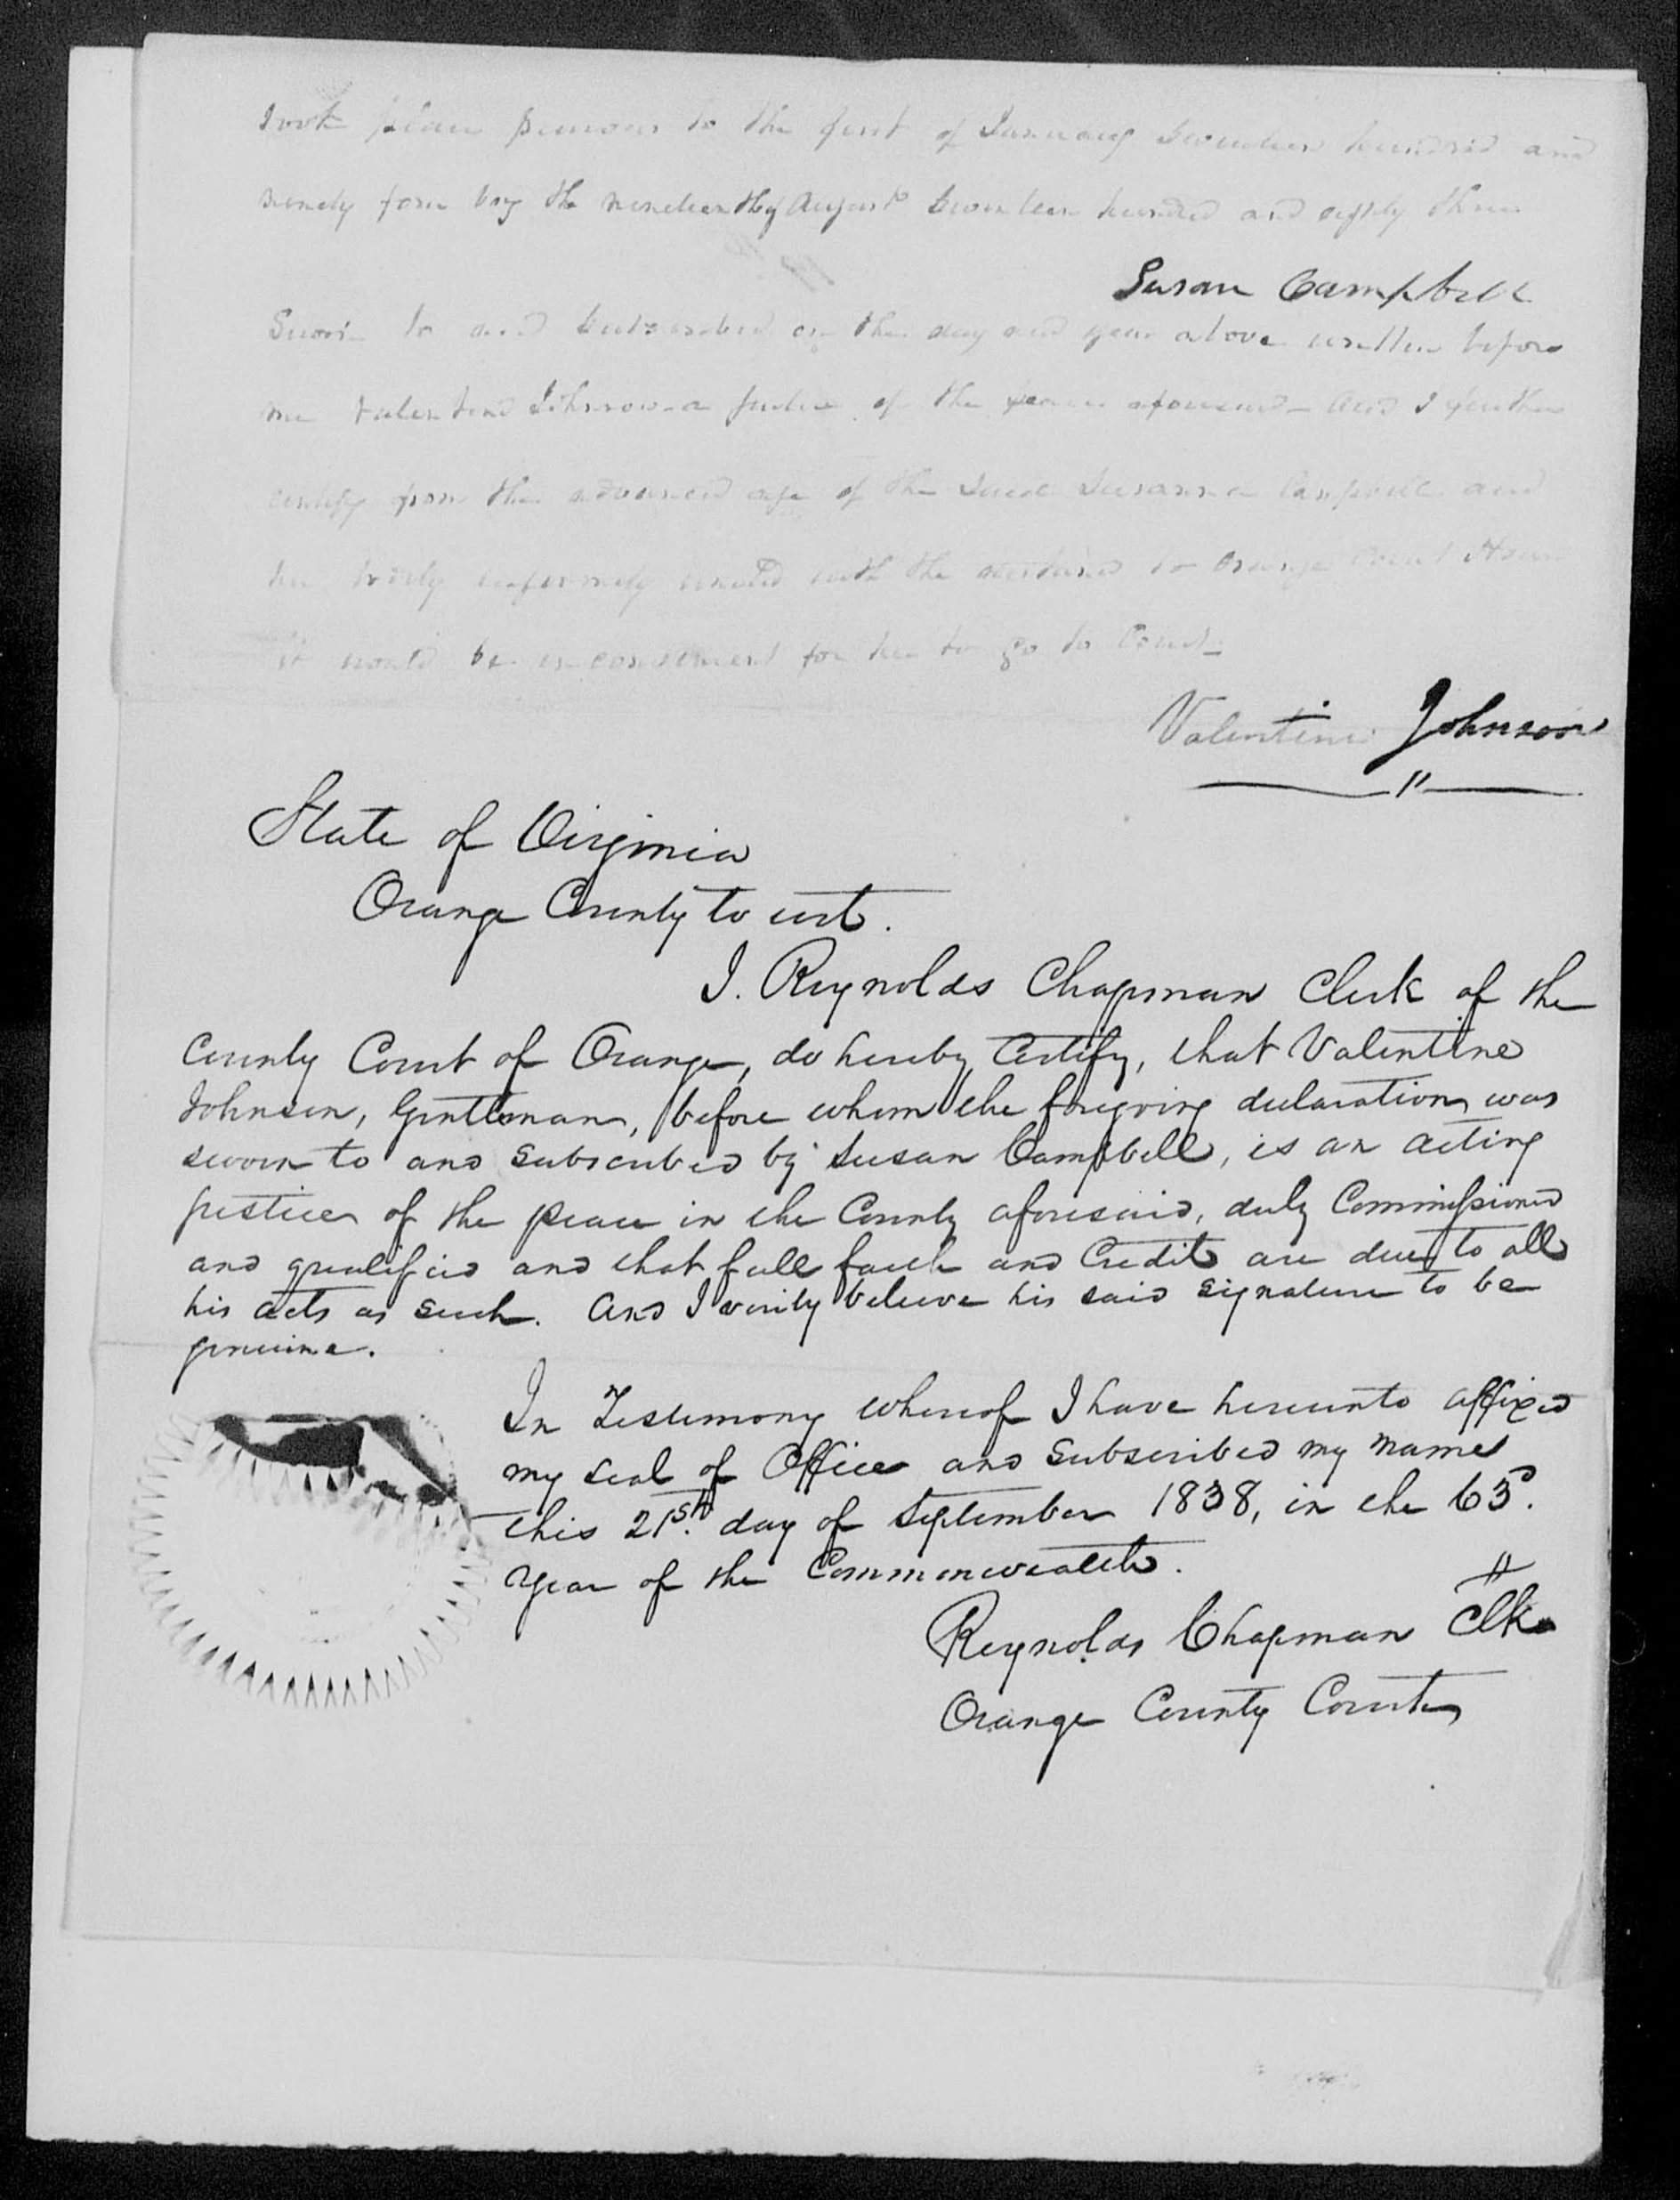took place previous to the first of January Seventeen hundred and ninety four by the nineteenth of August Seventeen hundred and eighty three 
Susan Campbell [signature]

Sworn to and Subscribed on the day and year above written before me Valentine Johnson Justice of the Peace aforesaid __ And I further certify from the advanced age of the Said Susanna Campbell and her truly infirmity united with the distance to Orange Court House it would be inconsement for her to go to Court__
Valentine Johnson [signature]

 
State of Virginia
Orange County to wit.
I. Reynolds Chapman Clerk of the County Court of Orange do hereby Certify, that Valentine Johnson, Gentleman, before whom the foregoing delineation was sworn to and subscribed by Susan Campbell, is an acting Justice of the peace in the County aforesaid, duly Commissioned and qualified and that full faith and Credit are due to all his acts as such.  And I verily believe his said signature to be genuine.

In Testimony whereof I have hereunto affixed my seal of Office and Subscribed my name this 21st. day of September 1838, in the 63rd year of the Commonwealth.
Reynolds Chapman CLK
Orange County Court

[circular 'seal' affixed to lower left corner of document; no legible writing or printing seen on 'seal']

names: Valentine Johnson, Reynolds Chapman, Susanna Campbell, Valentine Johnson, Susan Campbell, Susan Campbell, Reynolds Chapman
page: 18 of 267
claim: widow's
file: W. 4,149, William Campbell, Va.